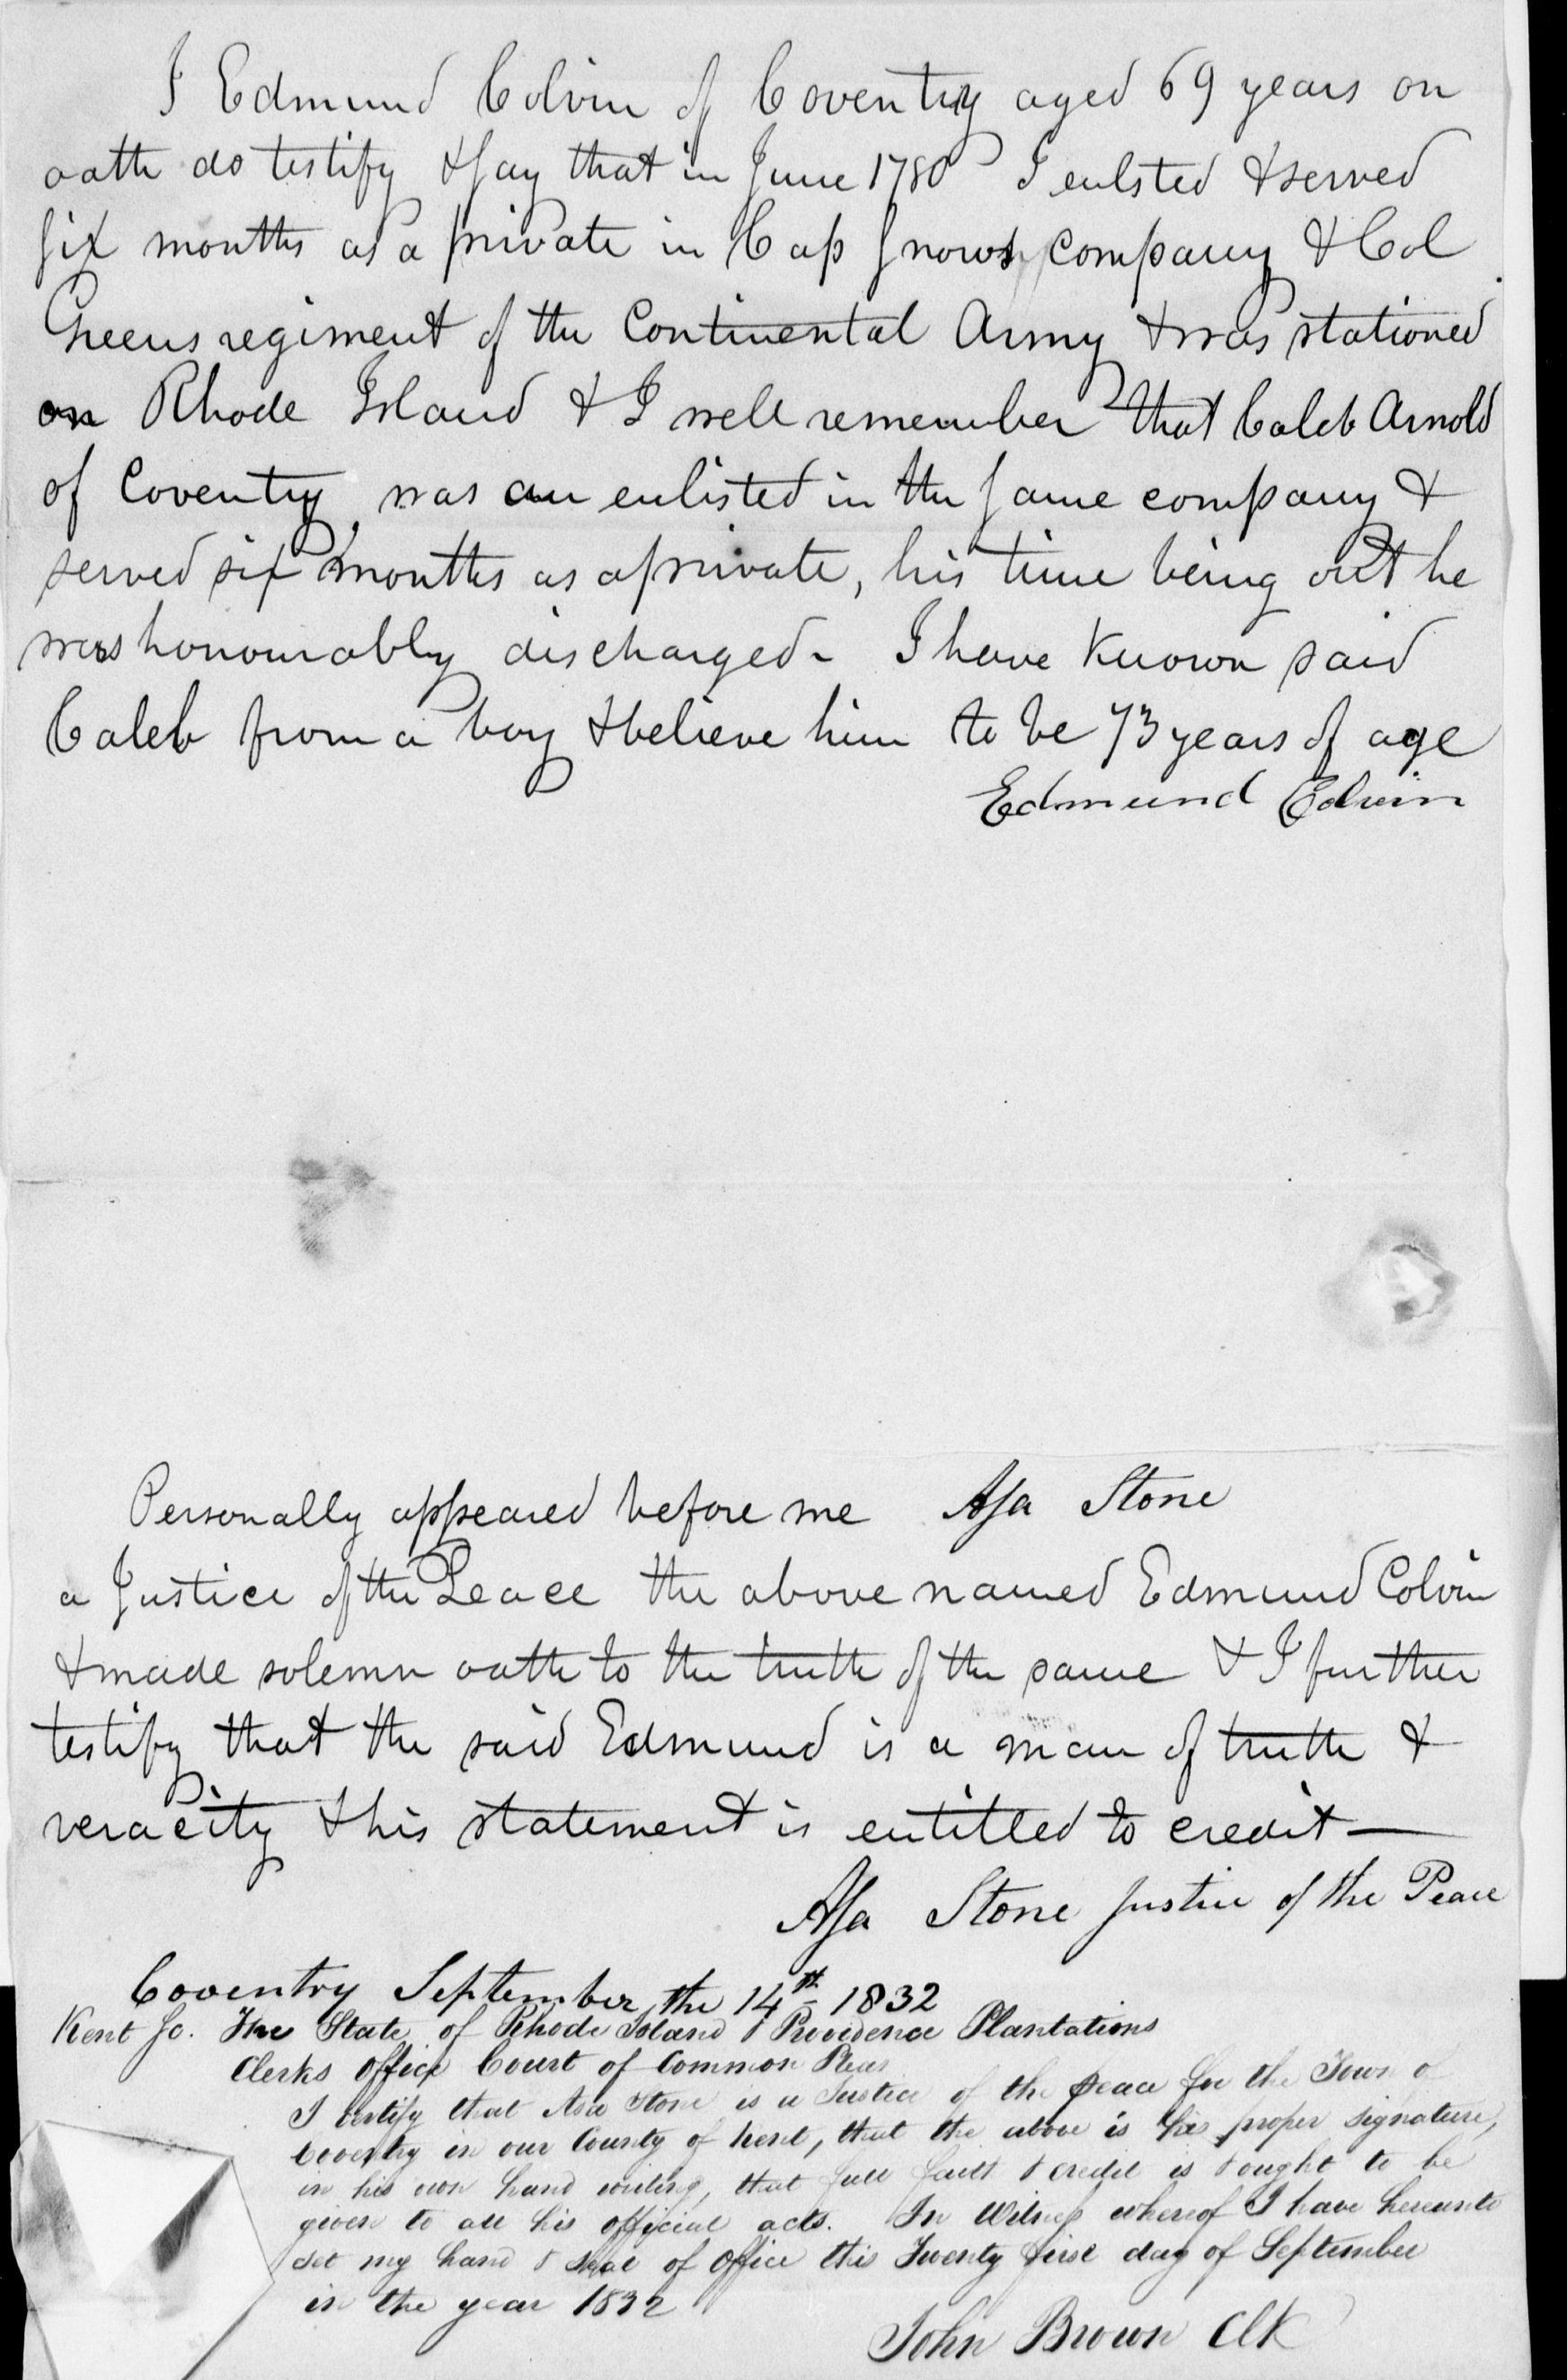I Edmund Colvin of Coventry aged 69 years on oath do testify and say that in June 1780 I enlisted & served six months of a private in Cap Snows Company & Col Greens regiment of the Continental Army & was stationed on Rhode Island & I well remember that Caleb Arnold of Coventry was an enlisted in the same company & served as a private, his time e being out he was honourably discharged. I have known said Caleb from a boy & believe him to be 73 years of age
Edmund Colvin


Personally appeared before me Asda Stone a Justice of the Peace the above named Edmund Colvin & made solemn oath to the truth of the same & i further testify that the said Edmundis a man of truth & veracity this statement is entitled to credit___
Asa Stone Justice of the Peace
Coventry September the 14th- 1832
____ ____ The State of Rhode Island Providence Plantations
Clerks office Court of Common Pleas
I testify that Asa Stone is a Justice of the Peace for the Town of Coventry in our County of Kent, that the above is the proper signature in his own hand writing, that full faith & credit is brought to be given to all his official acts. In Witness whereof I have hereunto set my hand & seal of office this Twenty first day of September in the year 1832

John Brown Clk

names: Edmund, John Brown, Caleb, Edmund Colvin, Caleb Arnold, Edmund Colvin, Edmund Colvin, Asa Stone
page: 26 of 29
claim: widow's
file: W. 2582, Caleb Arnold, R.I.